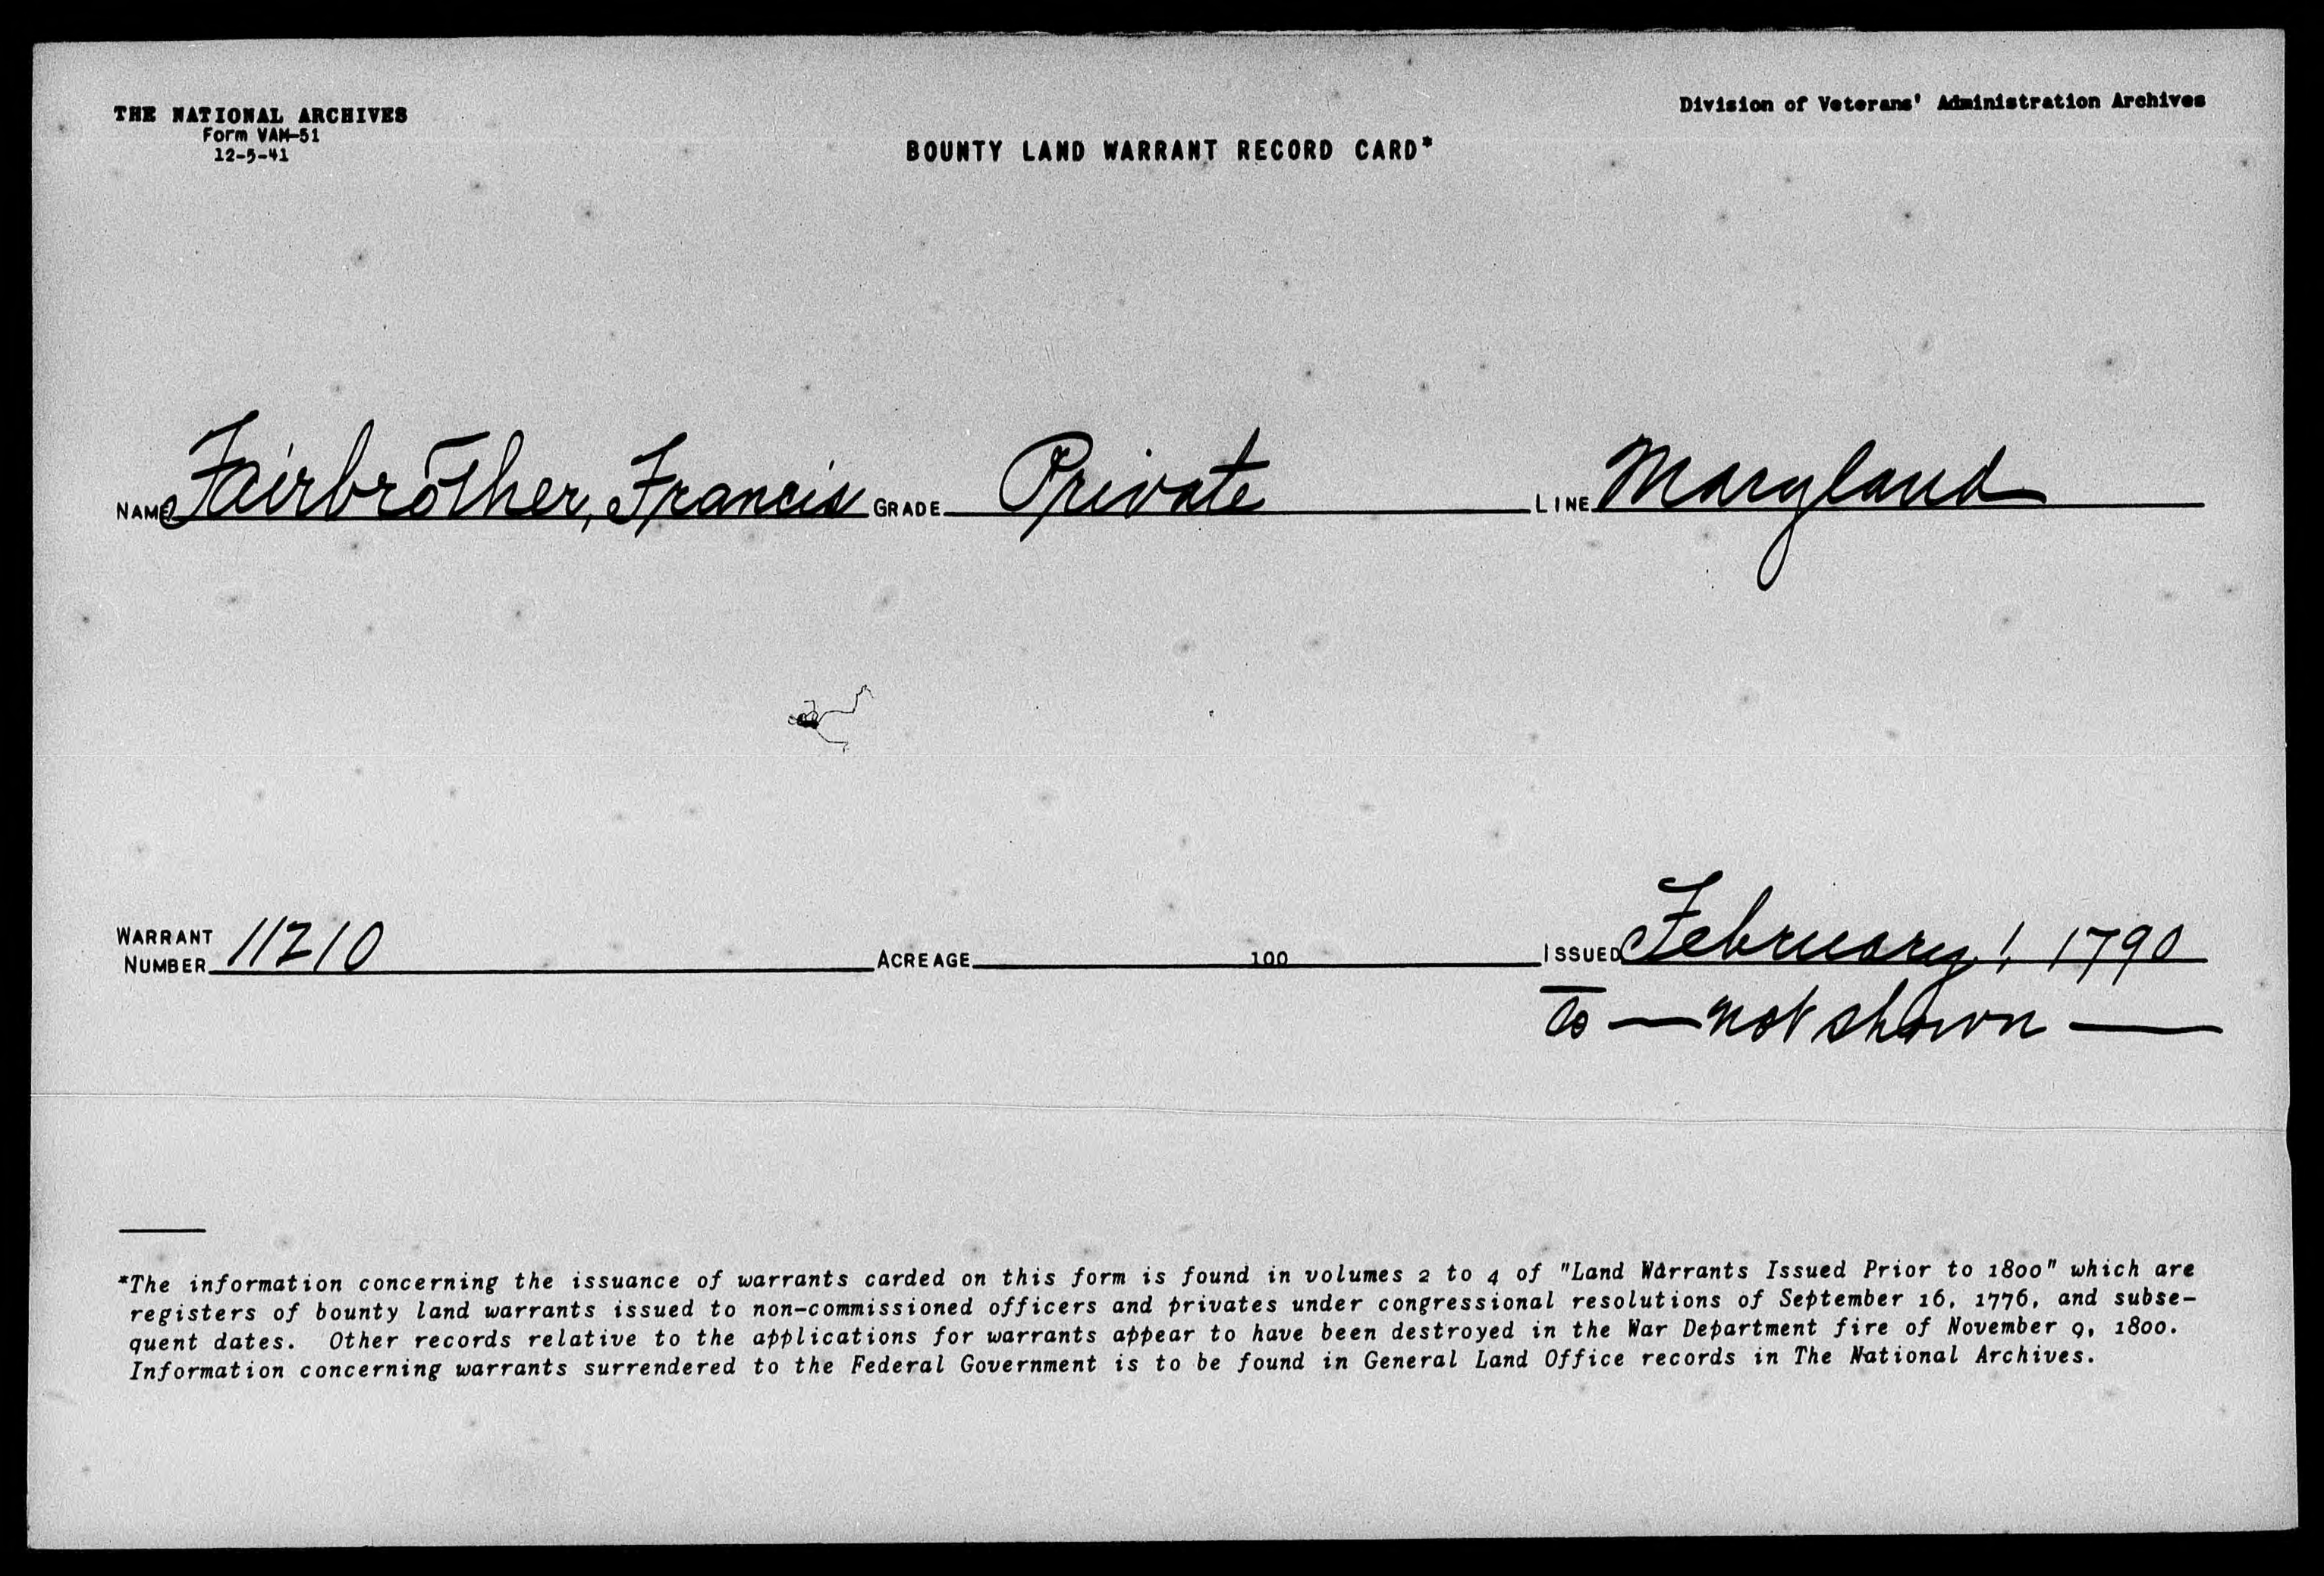THE NATIONAL ARCHIVES
Form VAM-51
12-5-41
BOUND LAND WARRANT RECORD CARD*
Division of Veterans' Administration Archives
NAME Fairbrother, Francis GRADE Private LINE Maryland
WARRANT NUMBER 11210 ACREAGE 100 ISSUED February 1, 1790 to - not shown -
*The information concerning the issuance of warrants carded on this form is found in volumes 2 to 4 of "Land Warrants Issued Prior to 1800" which are registers of bounty land warrants issued to non-commissioned officers and privates under congressional resolutions of September 16, 1776, and subsequent dates. Other records relative to the applications for warrants appear to have been destroyed in the War Department fire of November 9, 1800. Information concerning warrants surrendered to the Federal Government is to be found in the General Land Office records in The National Archives.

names: Francis Fairbrother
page: 17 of 17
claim: rejected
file: R. 3423, William Fairbanks, R.I.